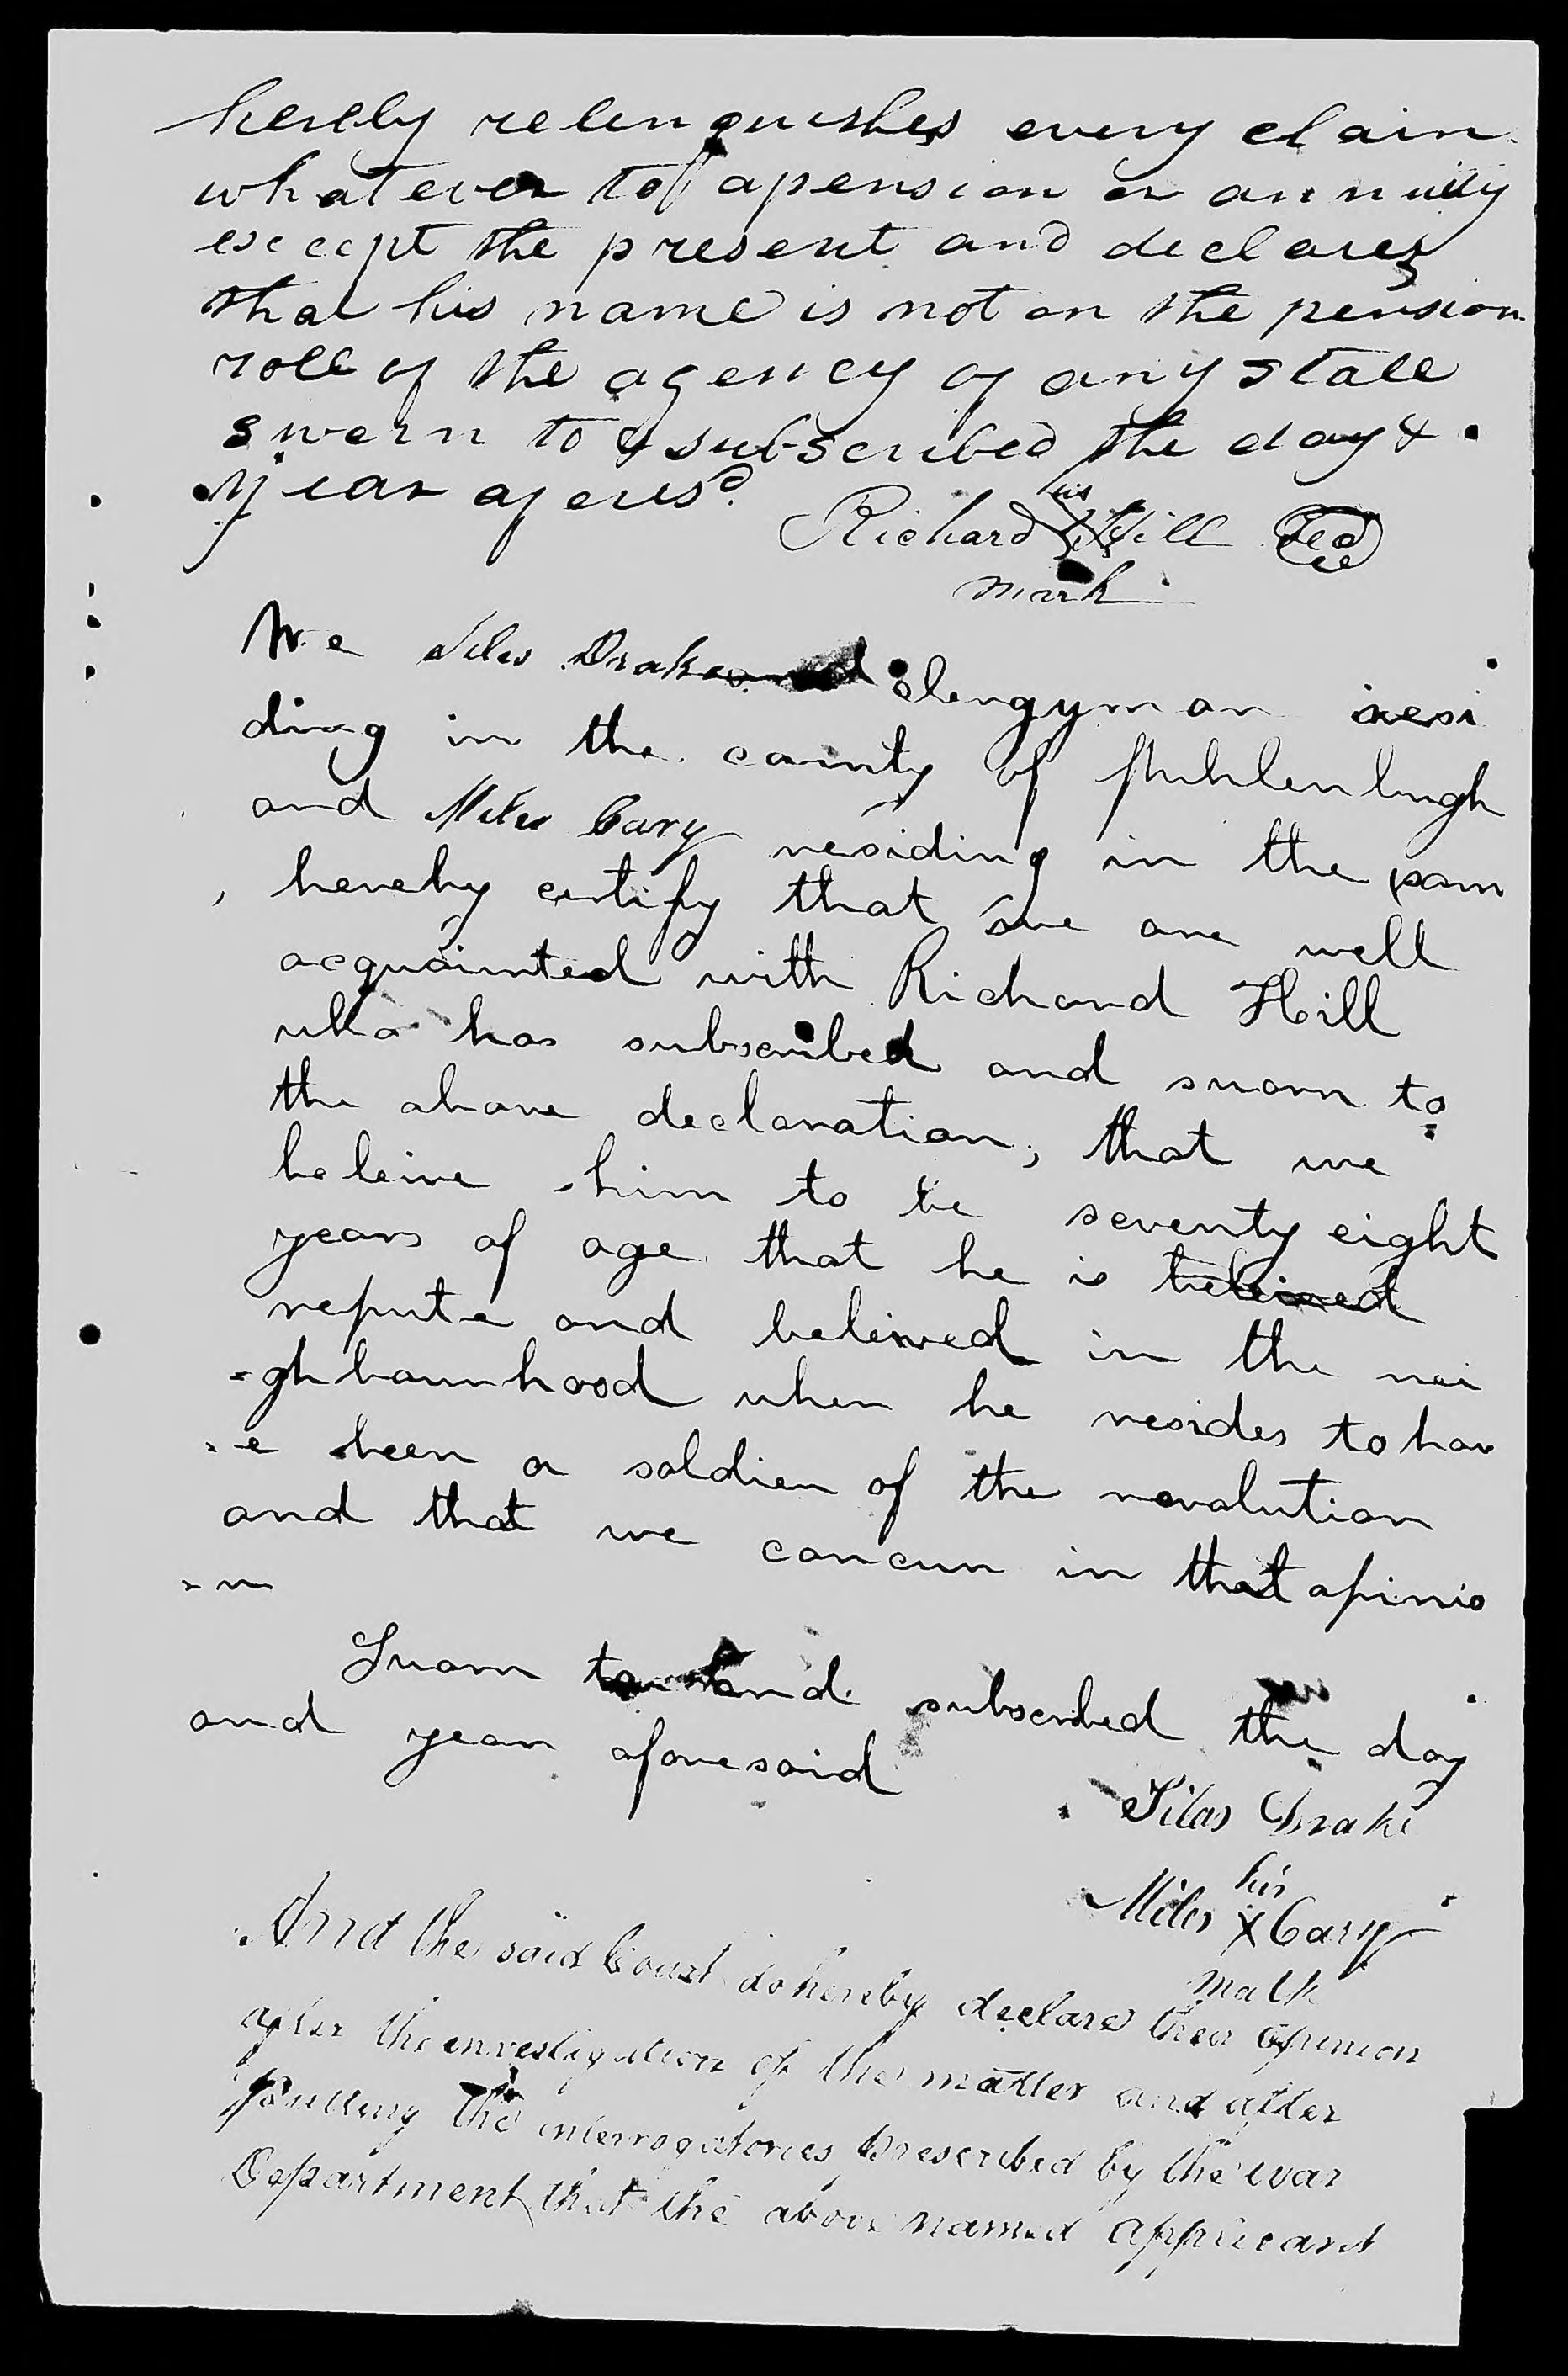[He] hereby relinquishes every claim whatever to a pension or annuity except the present and declares that his name is not on the pension roll of the agency of any state. 
Sworn to & subscribed the day & year aferesd [aforesaid]. 
Richard [his x mark] Hill {Seal}

We Silas Drake, a clergyman, in the County of Muhlenberg and Miles Cary residing in the same hereby certify that they are acquainted with Richard Hill who has subscribed and sworn to the above declaration, that we believe him to be seventy eight years of age that he is reputed and believed in the neighborhood where he resides to have been a soldier of the revolution and that we concur in that opinion.

Sworn to and subscribed the day and year aforesaid.
Silas Drake 
Miles [his x mark] Cary 

And the said Court do hereby declare their opinion after the investigation of the matter and after putting the interrogatories prescribed by the war Department that the above named of applicant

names: Silas Drake, Miles Cary, Richard Hill, Richard Hill, Miles Cary, Silas Drake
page: 5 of 27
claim: rejected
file: R. 5006, Richard Hill, N.C.